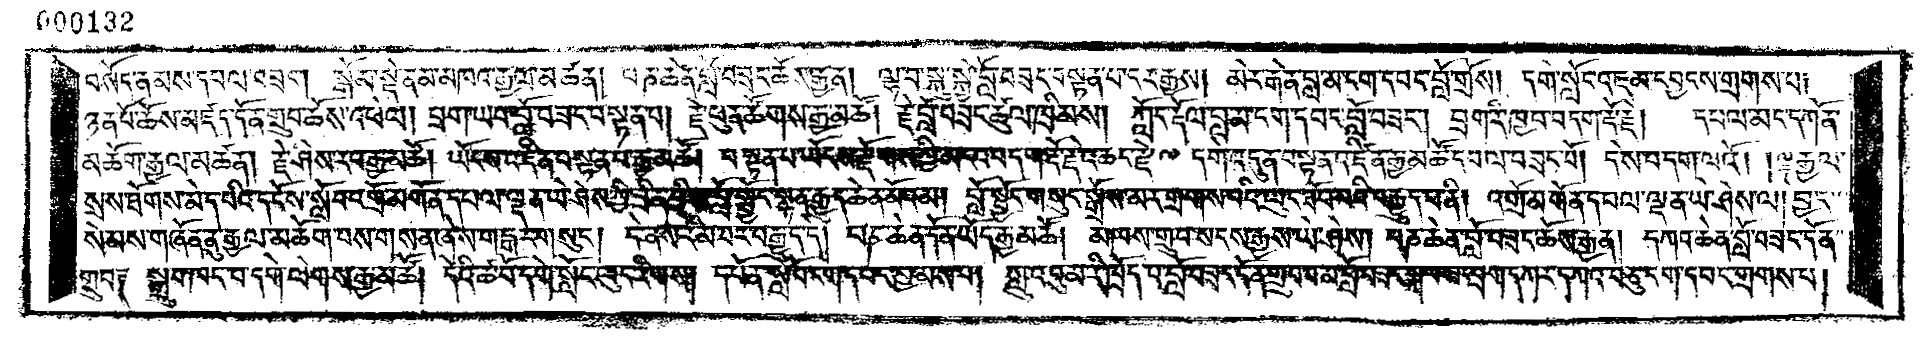བསོད་ནམས་དཔལ་བཟང་། སྒོམ་སྡེ་ནམ་མཁའ་རྒྱལ་མཚན། པཎ་ཆེན་བློ་བཟང་ཆོས་རྒྱན། ལྷ་བ་སྐུ་སྐྱེ་བློ་བཟང་བསྟན་པ་དར་རྒྱས། མེར་རྒེན་བླ་མ་ངག་དབང་བློ་གྲོས། དགེ་སློང་འཇམ་དབྱངས་གྲགས་པ།
ཉན་པོ་ཆོས་མཛད་དོན་གྲུབ་ཆོས་འཕེལ། བྲག་ཡབ་བློ་བཟང་བསྟན་པ། རྗེ་ཕུན་ཚོགས་རྒྱ་མཚོ། རྗེ་བློ་བཟང་ཚུལ་ཁྲིམས། ཀློང་རྡོལ་བླ་མ་ངག་དབང་བློ་བཟང་། བྲག་རི་ཁྱབ་བདག་རྡོ་རྗེ། དཔལ་མང་དཀོན་
མཆོག་རྒྱལ་མཚན། རྗེ་ཤེས་རབ་རྒྱ་མཚོ། ཡོངས་འཛིན་བསྟན་པ་རྒྱ་མཚོ། བསྟན་པ་ཡོངས་རྫོགས་ཀྱི་མངའ་བདག་རྡོ་རྗེ་འཆང་རྗེ ༧དགེ་འདུན་བསྟན་འཛིན་རྒྱ་མཚོ་དཔལ་བཟང་པོ། དེས་བདག་ལའོ། །༈ རྒྱལ་
སྲས་ཐོགས་མེད་པའི་དངོས་སློབ་འགྲོ་མགོན་དཔལ་ལྡན་ཡེ་ཤེས་ཀྱི་བྲིན་བྲིས་བློ་སྦྱོང་སྙན་རྒྱུད་ཆེན་མོ་འམ། བློ་སྦྱོང་གསུང་སྒྲོས་མར་གྲགས་པའི་ལུང་ཐོབ་པའི་བརྒྱུད་པ་ནི། འགྲོ་མགོན་དཔལ་ལྡན་ཡེ་ཤེས་ལ། བྱང་
སེམས་གཞོན་ནུ་རྒྱལ་མཆོག་པས་གསན་ཞེས་གངྒར་གསུང་། དེ་ནས་རིམ་པར་བརྒྱུད་དེ། པཎ་ཆེན་དོན་ཡོད་རྒྱ་མཚོ། མཁས་གྲུབ་སངས་རྒྱས་ཡེ་ཤེས། པཎ་ཆེན་བློ་བཟང་ཆོས་རྒྱན། དཀའ་ཆེན་བློ་བཟང་དོན་
གྲུབ༑ སྒྲུབ་ཁང་བ་དགེ་ལེགས་རྒྱ་མཚོ། དེའི་ཚ་བོ་དགེ་སློང་ལུང་རིགས། དཔོན་སློབ་ངག་དབང་བྱམས་པ། ཀླུ་འབུམ་རི་ཁྲོད་པ་བློ་བཟང་དོན་གྲུབ་བ་མ་བློ་བཟང་སྐལ་བཟང་བྲག་དཀར་དཀའ་བཅུ་ངག་དབང་གྲགས་པ།